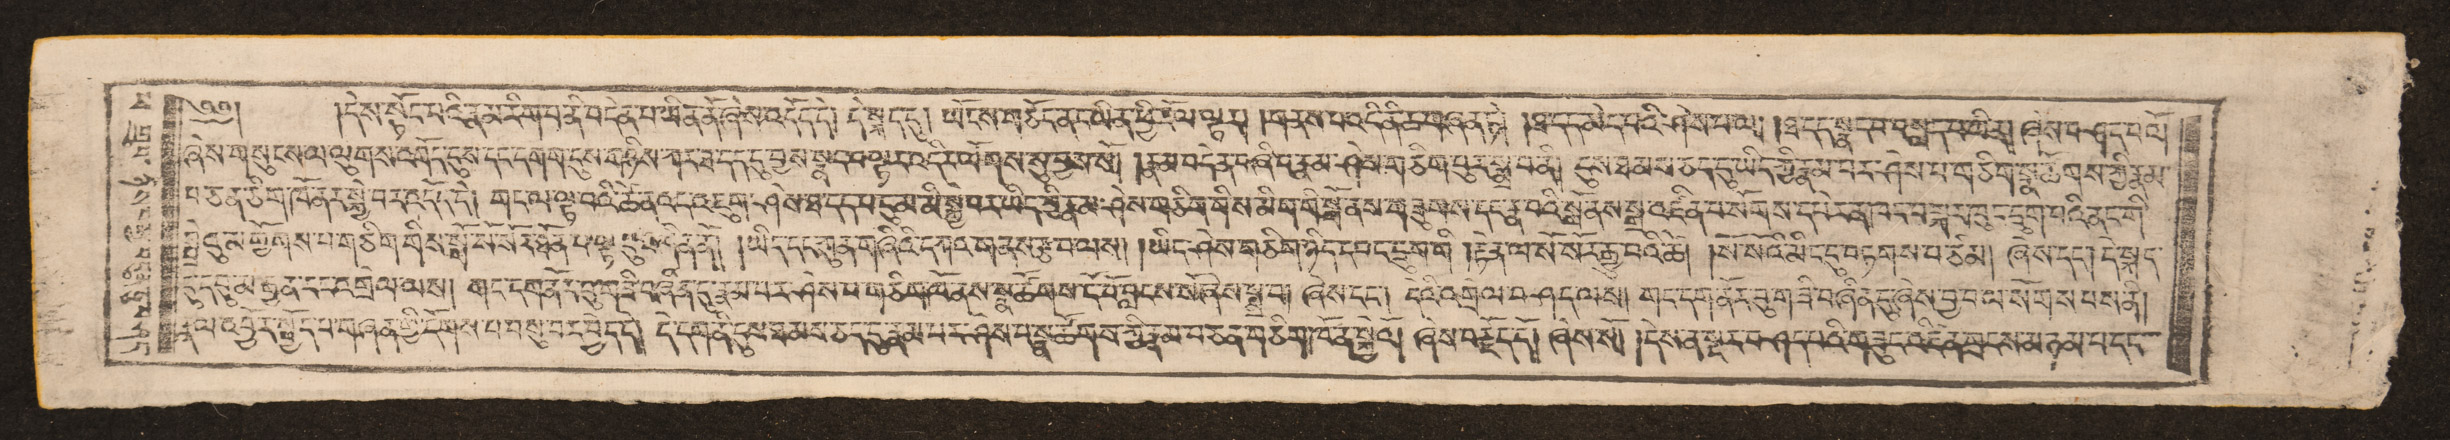༄༅། །དེས་སྟོང་པའི་རྣམ་རིག་པ་ནི་བདེན་པ་ཡིན་ནོ་ཞེས་འདོད་དེ། དེ་སྐད་དུ། ཡོངས་གཅོད་ནང་ཡིན་ཕྱི་རོལ་ལྟར། །གནས་པ་འདི་ནི་ཆ་གཞན་ཏེ། །ཐ་དད་མེད་པའི་ཤེས་པ་ལ། །ཐ་དད་སྣང་བ་བསླད་པ་ཡིན། ཞེས་བཤད་པའོ།
ཞེས་གསུངས་ལ་ལུགས་འགོད་དུས་དང་དགག་དུས་གཉིས་ཀར་ཐ་དད་དུ་བྱས་སྣང་བ་ལྟར་འདིར་ལོགས་སུ་བྱས་སོ། །རྣམ་བདེན་བཞི་བ་རྣམ་ཤེས་གཅིག་པུར་སྨྲ་བ་ནི། དུས་ཐམས་ཅད་དུ་ཡིད་ཀྱི་རྣམ་པར་ཤེས་པ་གཅིག་སྣ་ཚོགས་ཀྱི་རྣམ་
བཅན་ཅིག་ཁོ་ན་བསྐྱེ་བར་འདོད་དེ། གང་ལ་ལྟ་བའི་ཚེ་ནའང་འཇུག་ཤེས་ཐ་དད་པ་དུ་མ་མི་སྐྱེ་བར་ཡིད་ཀྱི་རྣམ་ཤེས་གཅིག་གིས་མིག་གི་སྒོ་ནས་གཟུགས་དང་རྣ་བའི་སྒོ་ནས་སྒྲ་འཛིན་པ་སོགས་དཔེར་ན་ཁང་བ་སྐར་ཁུང་དྲུག་པའི་ནང་གི་
སྤྲེའུ་མ་གྱོགས་པ་གཅིག་གིས་སྒོ་སོ་སོར་ཐོན་པ་ལྟ་བུ་བཞིན་ནོ། །ཡིད་དང་ཀུན་གཞིའི་དཀའ་གནས་རྩ་བ་ལས། །ཡིད་ཤེས་གཅིག་ཉིད་དབང་དྲུག་གི །རྟེན་ལ་སོ་སོར་རྒྱུ་བའི་ཚེ། །སོ་སོའི་མིང་དུ་བཏགས་པ་ཙམ། ཞེས་དང་། དེ་སྐད་
དུ་དབུ་མ་རྒྱན་རང་འགྲེལ་ལས། གང་དག་ནོར་བུ་གཟི་བཞིན་དུ་རྣམ་པར་ཤེས་པ་གཅིག་ཁོ་ནས་སྣ་ཚོགས་ངོ་བོ་བླངས་སོ་ཞེས་སྨྲ་བ། ཞེས་དང་། དེའི་འགྲེལ་བཤད་ལས། གང་དག་ནོར་བུ་གཟི་བཞིན་དུ་ཞེས་བྱ་བ་ལ་སོགས་པས་ནི།
རྣལ་འབྱོར་སྤྱོད་པ་གཞན་གྱི་དོགས་པ་བསུ་པར་བྱེད་དེ། དེ་དག་ནི་དུས་ཐམས་ཅད་དུ་རྣམ་པར་ཤེས་པ་སྣ་ཚོགས་ཀྱི་རྣམ་པ་ཅན་གཅིག་ཁོ་ན་སྐྱེའོ། ཞེས་བརྗོད་དོ། ཞེས་སོ། །དེས་ན་སྔར་བཤད་པའི་གཟུང་འཛིན་གྲངས་མཉམ་པ་དང་